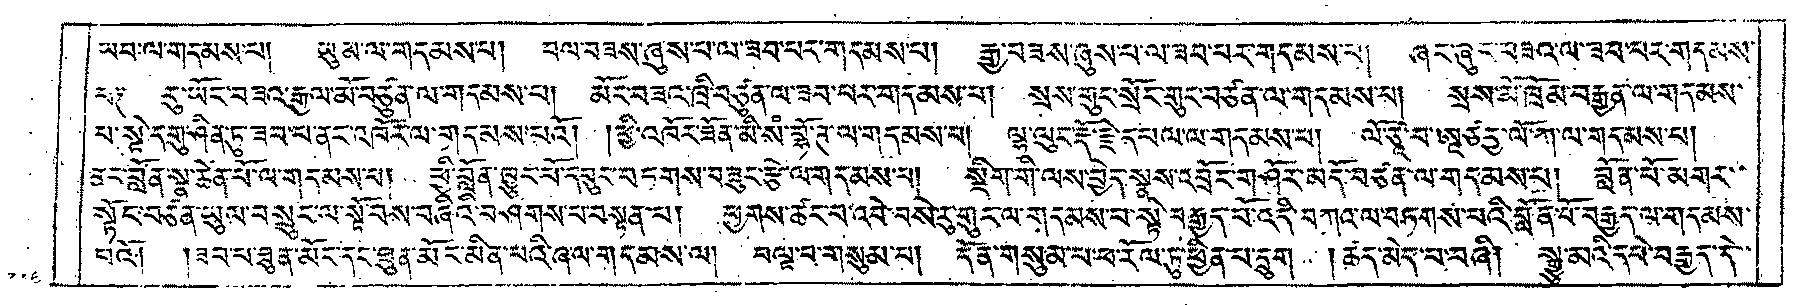ཡབ་ལ་གདམས་པ། ཡུམ་ལ་གདམས་པ། བལ་བཟས་ཞུས་པ་ལ་ཟབ་པར་གདམས་པ། རྒྱ་བཟས་ཞུས་པ་ལ་ཟབ་པར་གདམས་པ། ཞང་ཞུང་བཟའ་ལ་ཟབ་པར་གདམས་
པ༑ རུ་ཡོང་བཟའ་རྒྱལ་མོ་བཙུན་ལ་གདམས་པ། མོང་བཟའ་ཁྲི་བཙུན་ལ་ཟབ་པར་གདམས་པ། སྲས་གུང་སྲོང་གུང་བཙན་ལ་གདམས་པ། སྲས་མོ་ཁྲོམ་བརྒྱན་ལ་གདམས་
པ་སྟེ་དགུ་ཤིན་ཏུ་ཟབ་པ་ནང་འཁོར་ལ་གདམས་པའོ། །ཕྱི་འཁོར་ཐོན་མི་སཾ་བྷོ་ཊ་ལ་གདམས་པ། ལྷ་ལུང་རྡོ་རྗེ་དཔལ་ལ་གདམས་པ། ལོ་ཙཱ་པ་ཨཱཙྲྱ་ལོ་ཀ་ལ་གདམས་པ།
ནང་བློན་སྣ་ཆེན་པོ་ལ་གདམས་པ། ཕྱི་བློན་ཁྱུང་པོ་དཔུང་བཏགས་བཟུང་རྩེ་ལ་གདམས་པ། སྡིག་གི་ལས་བྱེད་སྣས་འབྲོང་གཤོར་མདོ་བཙན་ལ་གདམས་པ། བློན་པོ་མགར་
སྟོང་བཙན་ཡུལ་བསྲུང་ལ་སྟོབས་བཞིའི་བཤགས་པ་བསྟན་པ། ཕྱགས་ཚང་བ་འབེ་བསེ་རུ་གུང་ལ་གདམས་པ་སྟེ་བརྒྱད་པོ་འདི་བཀའ་ལ་བཏགས་པའི་བློན་པོ་བརྒྱད་ལ་གདམས་
པའོ། །ཟབ་པ་ཐུན་མོང་དང་ཐུན་མོང་མིན་པའི་ཞལ་གདམས་ལ། བལྟ་བ་གསུམ་པ། དོན་གསུམ་པ་ཕ་རོལ་ཏུ་ཕྱིན་པ་དྲུག །ཚད་མེད་པ་བཞི། སྒྱུ་མའི་དཔེ་བརྒྱད་དེ་